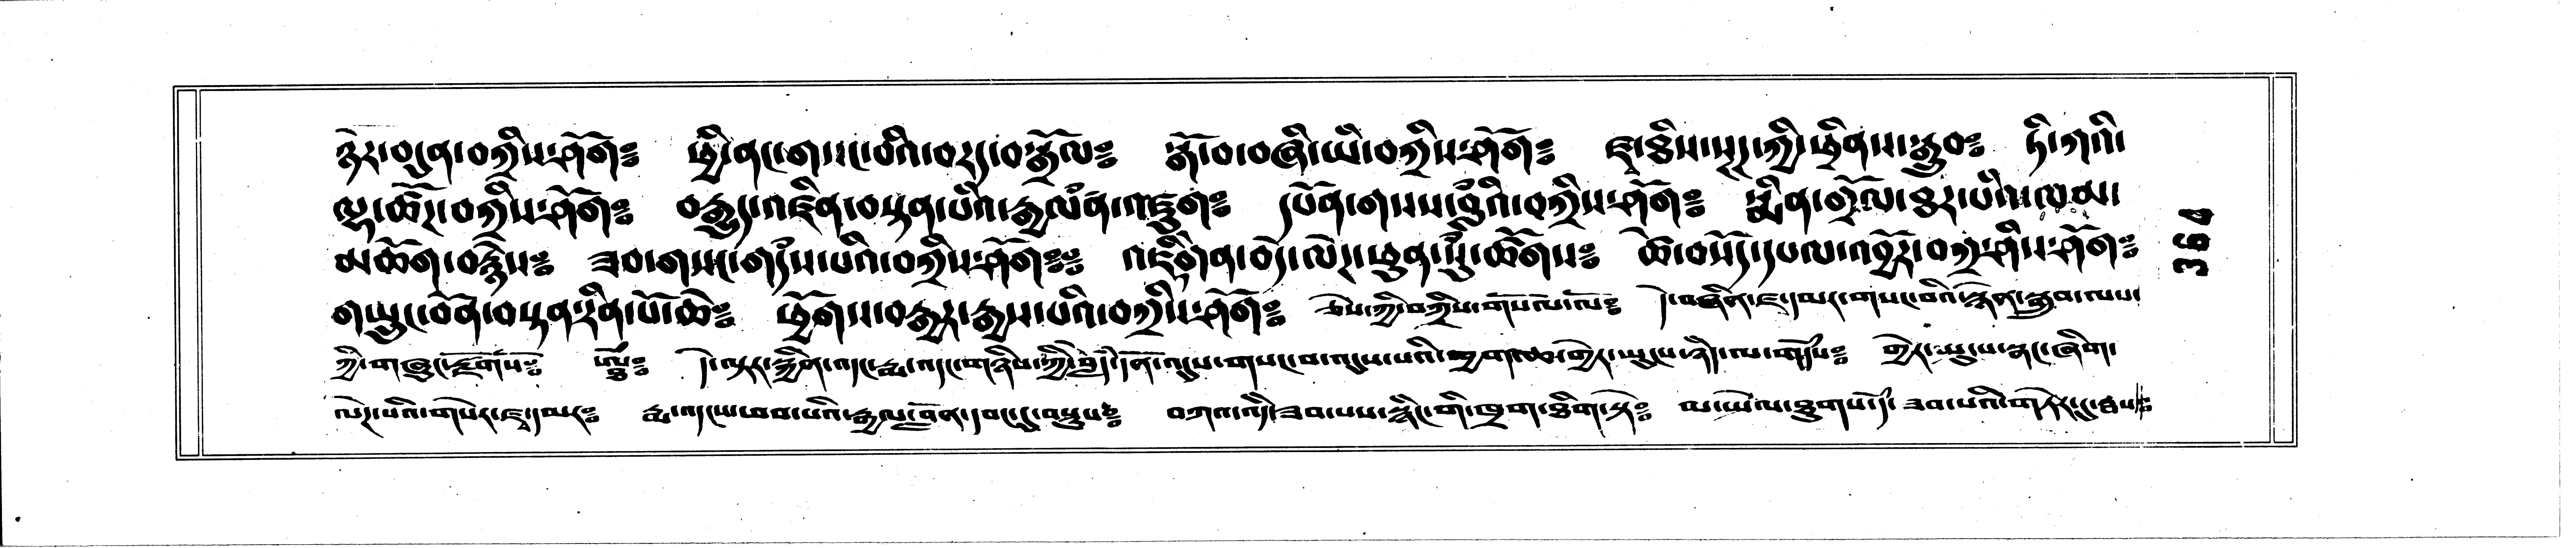ཉེར་བདུན་བཀྲ་ཤིས་ཤོག༔ ཕྱི་ནང་གསང་བའི་བར་ཆད་བསྒྲོལ༔ སྒོ་བ་བཞི་ཡི་བཀྲིས་ཤོག༔ ཛྭ་ཐིས་སྔགས་ཀྱི་ཕྲིན་ལས་བསྒྲུབ༔ ཏི་ཀའི་
་ཚོགས་བཀྲ་ཤིས་ཤོག༔ བརྒྱུད་འཛིན་བསྟན་པའི་རྒྱལ་མཚན་འཛུག༔ དཔོན་གསས་བླ་མའི་བཀྲ་ཤིས་ཤོག༔ སྨིན་གྲོལ་ཐར་པའི་ལམ་
མཆོག་བརྙེས༔ ཟབ་གསང་གདམས་པའི་བཀྲ་ཤིས་ཤོག༔༔ འཇིག་རྟེན་བདེ་ལེགས་ཕུན་སུམ་ཚོགས༔ ཚེ་བསོད་དཔལ་འབྱོར་བཀྲ་ཤིས་ཤོག༔ 
གཡུང་དྲུང་བོན་བསྟན་རིན་པོ་ཆེ༔ ཕྱོགས་བརྒྱར་རྒྱས་པའི་བཀྲ་ཤིས་ཤོག༔ ཅེས་ཀྱི་བཀྲ་ཤིས་གསོལ་ལོ༔ དེ་བཞིན་ཛྭ་དམར་གསང་བའི་བསྙེན་སྒྲུབ་ལས་
ཀྱི་གཞུང་རྫོགས་སོ༔ ཨྠཾ༔ དེ་ལྟར་སྐྱིན་འདང་རྨ་འདང་གཉིས་ཀྱི་བླ་མེད་དོན་འདུས་གསང་བ་འདུས་པའི་ཕྱག་ཆ་གྱེར་སྤུངས་ཉིད་ལ་གདམས༔ གྱེར་སྤུངས་སྣང་བཞེར་
ལོད་པོའི་གསེར་ཛྭ་དམར༔ རྨ་འདངས་ཕབ་པའི་རྒྱལ་བློན་དབང་དུ་བསྡུས༔ བཀའ་འདི་ཟབ་པས་སྙིང་གི་ཁྲག་ཐིག་སྟེ༔ མ་སྤེལ་ཐུགས་དམ་ཟབ་པའི་གཏེར་དུ་ཐས༔